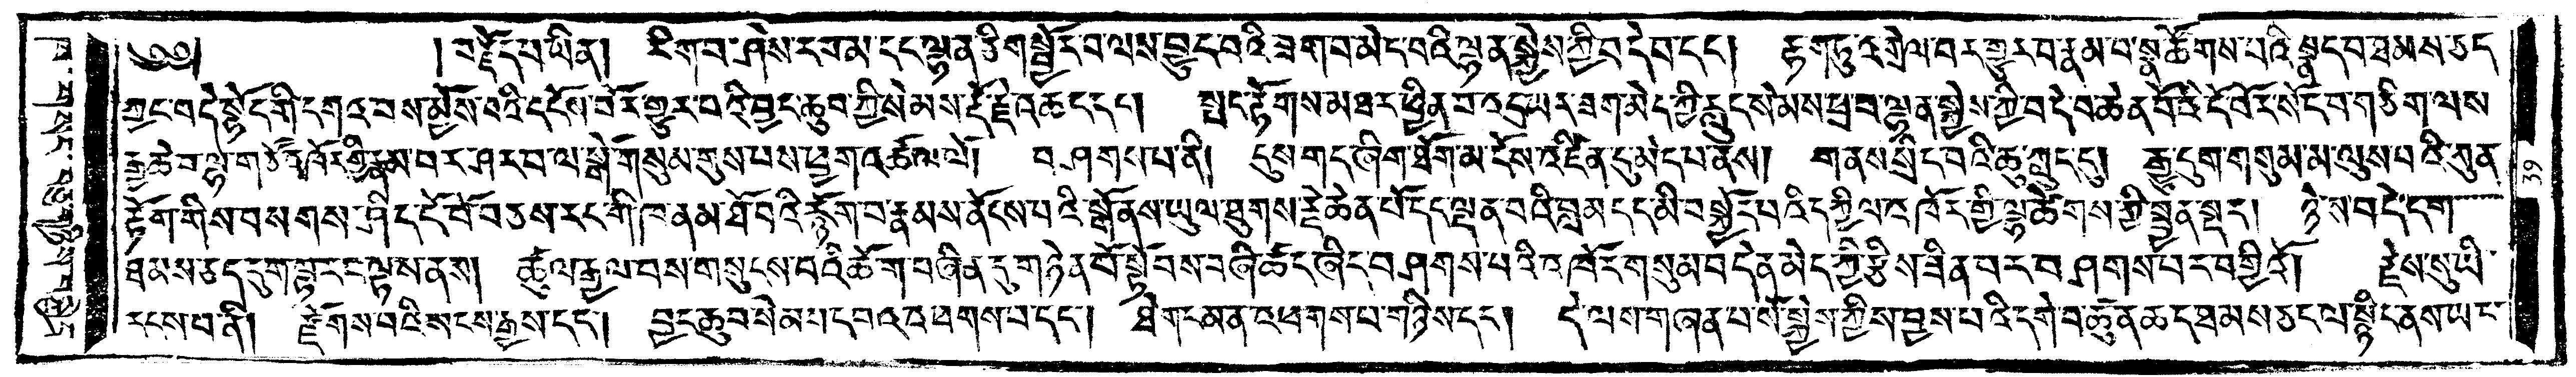༄༅། །བརྗོད་པ་ཡིན། རིག་བ་ཤེས་རབ་མ་དང་ལྷན་ཅིག་སྦྱོར་བ་ལས་བྱུང་བའི་ཟག་པ་མེད་བའི་ལྷན་སྐྱེས་ཀྱི་བདེ་བ་དང་། རྟག་ཏུ་འགྲེལ་བར་གྱུར་བ་རྣམ་བ་སྣ་ཚོགས་པའི་སྣང་བ་ཐམས་ཅད་
ཀྱང་བདེ་སྟོང་གི་དགའ་བས་མྱོས་བའི་དངོས་པོར་གྱུར་བའི་བྱང་ཆུབ་ཀྱི་སེམས་རྡོ་རྗེ་འཆང་དང་། སྤང་རྟོགས་མཐར་ཕྱིན་པ་འདྲ་ཡར་ཟག་མེད་ཀྱི་རླུང་སེམས་ཕྲ་བ་ལྷན་སྐྱེས་ཀྱི་བདེ་བ་ཆེན་པོའི་ངོ་བོར་སོང་བ་གཅིག་ལས་
རྒྱ་ཆེ་བ་ལྷ་གཙོ་འཁོར་གྱི་རྣམ་པར་ཤར་བ་ལ་སྒོ་གསུམ་གུས་པས་ཕྱག་འཚལ་ལོ། བཤགས་པ་ནི། དུས་གང་ཞིག་ཐོག་མ་ངོས་འཛིན་དུ་མེད་པ་ནས། གནས་སྲིད་བའི་ཆུ་ཀླུང་དུ། རྒྱུ་དུག་གསུམ་མ་ལུས་བའི་ཀུན་
རྟོག་གིས་བསགས་ཤིང་ངོ་བོ་བཅས་རང་གི་ཁ་ན་མ་ཐོ་བའི་རྙོག་བ་རྣམས་ནོངས་པའི་སྒོ་ནས་ཡུལ་ཐུགས་རྗེ་ཆེན་པོ་དང་ལྡན་བའི་བླ་མ་དང་མི་བསྐྱོད་པའི་དཀྱིལ་འཁོར་གྱི་ལྷ་ཚོགས་ཀྱི་སྤྱན་སྔར། ཉེས་བདེ་དག་
ཐམས་ཅད་དུག་ལྷར་བལྟས་ནས། ཚུལ་རྒྱལ་བས་གསུངས་བའི་ཆོ་ག་བཞིན་དུ་གཉེན་པོ་སྟོབས་བཞི་ཚང་ཞིང་བཤགས་པའི་འཁོར་གསུམ་བདེན་མེད་ཀྱི་རྩིས་ཟིན་པར་བཤགས་པར་བགྱིའོ། རྗེས་སུ་ཡི་
རངས་བ་ནི། རྫོགས་པའི་སངས་རྒྱས་དང་། བྱང་ཆུབ་སེམས་དཔའ་འཕགས་པ་དང་། ཐེག་དམན་འཕགས་པ་གཉིས་དང་། དེ་ལས་གཞན་པ་སོ་སྐྱེས་ཀྱིས་བྱས་པའི་དགེ་བ་ཚུན་ཆད་ཐམས་ཅད་ལ་སྙིང་ནས་ཡང་